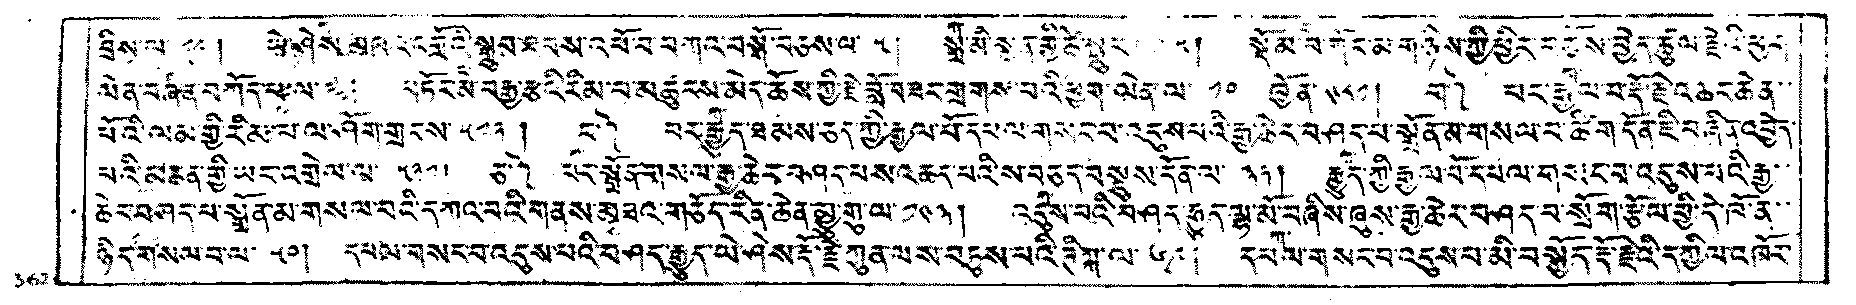བྲིས་ལ ༡༩། ཀ་ཡེ་ཤེས་མཁའ་འགྲོའི་སྒྲུབ་ཐབས་འཕོ་བ་བཀའ་བསྒོ་བཅས་ལ ༥། ཀ་སྒྲ་མི་སྙན་གྱི་ཚེ་སྒྲུབ་ལ ༥། སྡོམ་པ་ཀ་?་གོང་མ་གཉིས་ཀྱི་ཕྱིར་བཅོས་བྱེད་ཚུལ་རྗེའི་ཕྱག་
ལེན་བཞིན་བཀོད་པ་ལ ༧། གཏོར་ང་མ་བརྒྱ་རྩའི་རིམ་པ་མཚུངས་མེད་ཆོས་ཀྱི་རྗེ་བློ་བཟང་གྲགས་པའི་ཕྱག་ལེན་ལ ༡༠་ཁྱོན ༤༨༡། ག}་ཀ་པར་རྒྱལ་བ་རྡོ་རྗེ་འཆང་ཆེན་
པོའི་ལམ་གྱི་རིམ་པ་ལ་ཤོག་གྲངས ༥༡༢། ང}་ཀ་པར་རྒྱུད་ཐམས་ཅད་ཀྱི་རྒྱལ་པོ་དཔལ་གསང་བ་འདུས་པའི་རྒྱ་ཆེར་བཤད་པ་སྒྲོན་མ་གསལ་བ་ཚིག་དོན་ཇི་བཞིན་འབྱེད་
པའི་མཆན་གྱི་ཡང་འགྲེལ་ལ ༥༢༡། ཅ}་ཀ་པར་སྒྲོན་གསལ་རྒྱ་ཆེར་བཤད་པས་འཆད་པའི་ས་བཅད་བསྡུས་དོན་ལ ༣༢། ཀ་རྒྱུད་ཀྱི་རྒྱལ་པོ་དཔལ་གསང་བ་འདུས་པའི་རྒྱ་
ཆེར་བཤད་པ་སྒྲོན་མ་གསལ་བའི་དཀའ་བའི་གནས་མཐའ་གཅོད་རིན་ཆེན་མྱུ་གུ་ལ ༡༤༣། ཀ་འདུས་པའི་བཤད་རྒྱུད་ལྷ་མོ་བཞིས་ཞུས་རྒྱ་ཆེར་བཤད་པ་སྲོག་རྩོལ་གྱི་དེ་ཁོ་ན་
ཉིད་གསལ་བ་ལ ༥༠། ཀ་དཔལ་ཀ་གསང་བ་འདུས་པའི་བཤད་རྒྱུད་ཡེ་ཤེས་རྡོ་རྗེ་ཀུན་ལས་བཏུས་པའི་ཊིཀྐ་ལ ༦༩། ཀ་དཔལ་གསང་བ་འདུས་པ་མི་བསྐྱོད་རྡོ་རྗེའི་དཀྱིལ་འཁོར་